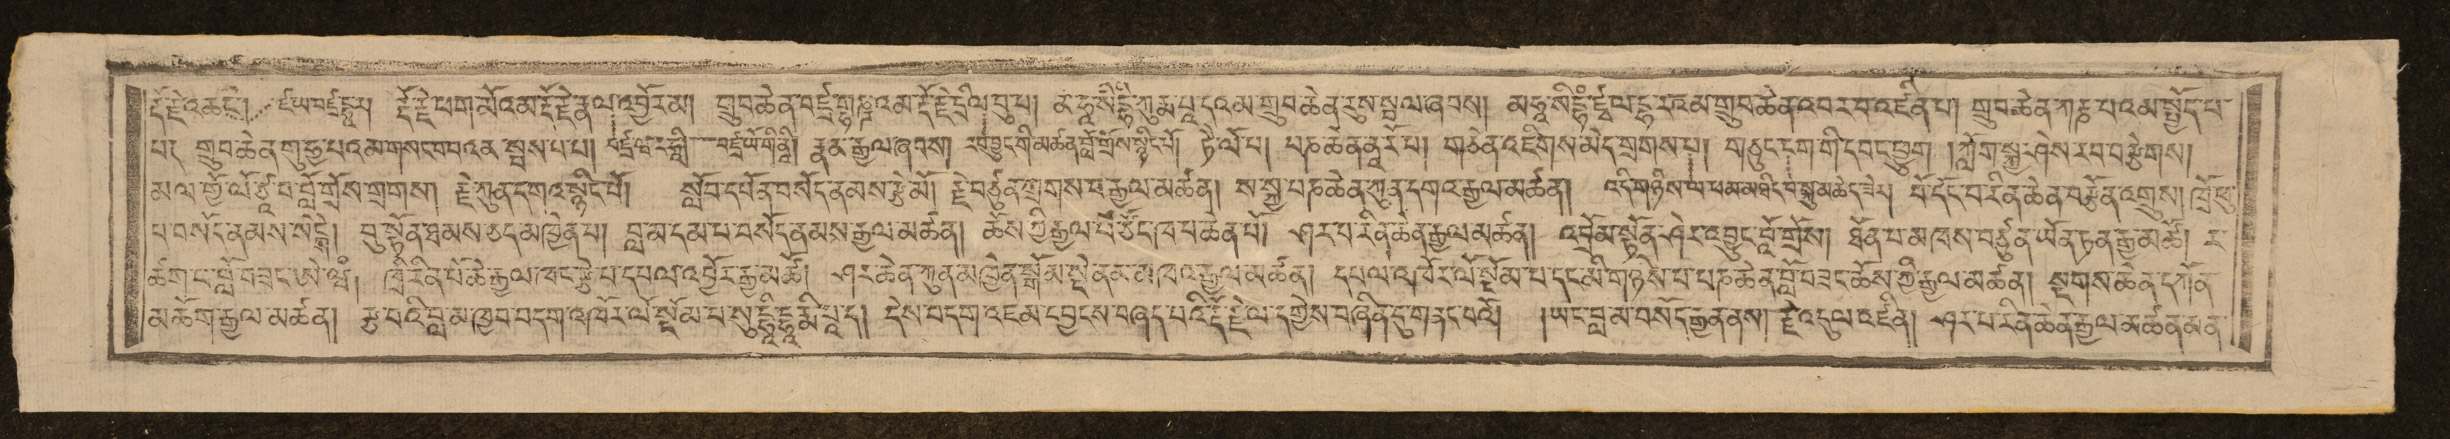རྡོ་རྗེ་འཆང་། ཛ་ཡ་བཛྲ་དྷཱ་ར། རྡོ་རྗེ་ཕག་མོའམ་རྡོ་རྗེ་རྣལ་འབྱོར་མ། གྲུབ་ཆེན་བཛྲ་གྷཎྜ་འམ་རྡོ་རྗེ་དྲིལ་བུ་པ། མ་ཧཱ་སིདྡྷི་ཀུརྨ་པཱ་དའམ་གྲུབ་ཆེན་རུས་སྦལ་ཞབས། མཧཱ་སིངྷཾ་ཛྭ་ལ་དྷ་རའམ་གྲུབ་ཆེན་འབར་བ་འཛིན་པ། གྲུབ་ཆེན་ཀརྞ་བའམ་སྤྱོད་པ་
པ༑ གྲུབ་ཆེན་གུ་ཧྱ་པའམ་འན་སྤགས་པ་པ། བཛྲ་ཝ་ར་ཧཱི། བཛྲ་གོ་ནཱི། རྣམ་རྒྱལ་ཞབས། རབ་བྱུང་གི་མཚན་བློ་གྲོས་སྙིང་པོ། ཏཻ་ལོ་པ། པཎ་ཆེན་ནཱ་རོ་པ། གཅེན་འཇིགས་མེད་གྲགས་པ། གཅུང་ངག་གི་དབང་ཕྱུག །ཀློགས་སྐྱ་ཤེས་རབ་བརྩེགས། །
མལ་གྱོ་ལོ་ཙཱ་བ་བློ་གྲོས་གྲགས། རྗེ་ཀུན་དགའ་སྙིང་པོ། སློབ་དཔོན་བསོད་ནམས་རྩེ་མོ། རྗེ་བཙུན་གྲགས་པ་རྒྱལ་མཚན། ས་སྐྱ་པཎ་ཆེན་ཀུན་དགའ་རྒྱལ་མཚན། འདི་གཉིས་ལ་ཕམ་མཐིང་བ་སྐུ་མཆེད་ཟེར། བོ་དོང་པ་རིན་ཆེན་བརྩོན་འགྲུས། ཁྲོ་ཕུ་
པ་བསོད་ནམས་སེངྒེ། བུ་སྟོན་ཐམས་ཅད་མཁྱེན་པ། བླ་མ་དམ་པ་བསོད་ནམས་རྒྱལ་མཚན། ཆོས་ཀྱི་རྒྱལ་པོ་ཙོང་ཁ་པ་ཆེན་པོ། ཤར་པ་རིན་ཆེན་རྒྱལ་མཚན། འབྲོས་སྟོན་ཤེར་འབྱུང་བO་གྲོས། ཐོན་པ་མཁས་བཙུན་ཡོན་ཏན་རྒྱ་མཚོ། ར་
ཚག་པ་བློ་བཟང་ཨེ་ཝཾ། ཁྲི་རིན་པོ་ཆེ་རྒྱལ་ཁང་རྩེ་བ་དཔལ་འབྱོར་རྒྱ་མཚོ། ཤར་ཆེན་ཀུན་མཁྱེན་སྒོམ་སྡེ་ནམ་མཁའ་རྒྱལ་མཚན། དཔལ་འཁོར་ལོ་སྔོམ་པ་དང་མི་གཉིས་པ་པཎ་ཆེན་བློ་བཟང་ཆོས་ཀྱི་རྒྱལ་མཚན། སྔགས་ཆེན་དཀོན་
མཆོག་རྒྱལ་མཚན། རྩ་བའི་བླ་མ་ཁྱབ་བདག་འཁོར་ལོ་སྔོམ་པས་སུ་དྷཱི་དྷཱརྨི་པཱ་ད། དེས་བདག་འཇམ་དབྱངས་བཞད་པའི་རྡོ་རྗེ་ལ་དགྱེས་བཞིན་དུ་གནང་བའོ། །ཡང་བླ་མ་བསོད་རྒྱན་ནས། རྗེ་འདུལ་འཛིན། ཤར་པ་རིན་ཆེན་རྒྱལ་མཚན་མན་